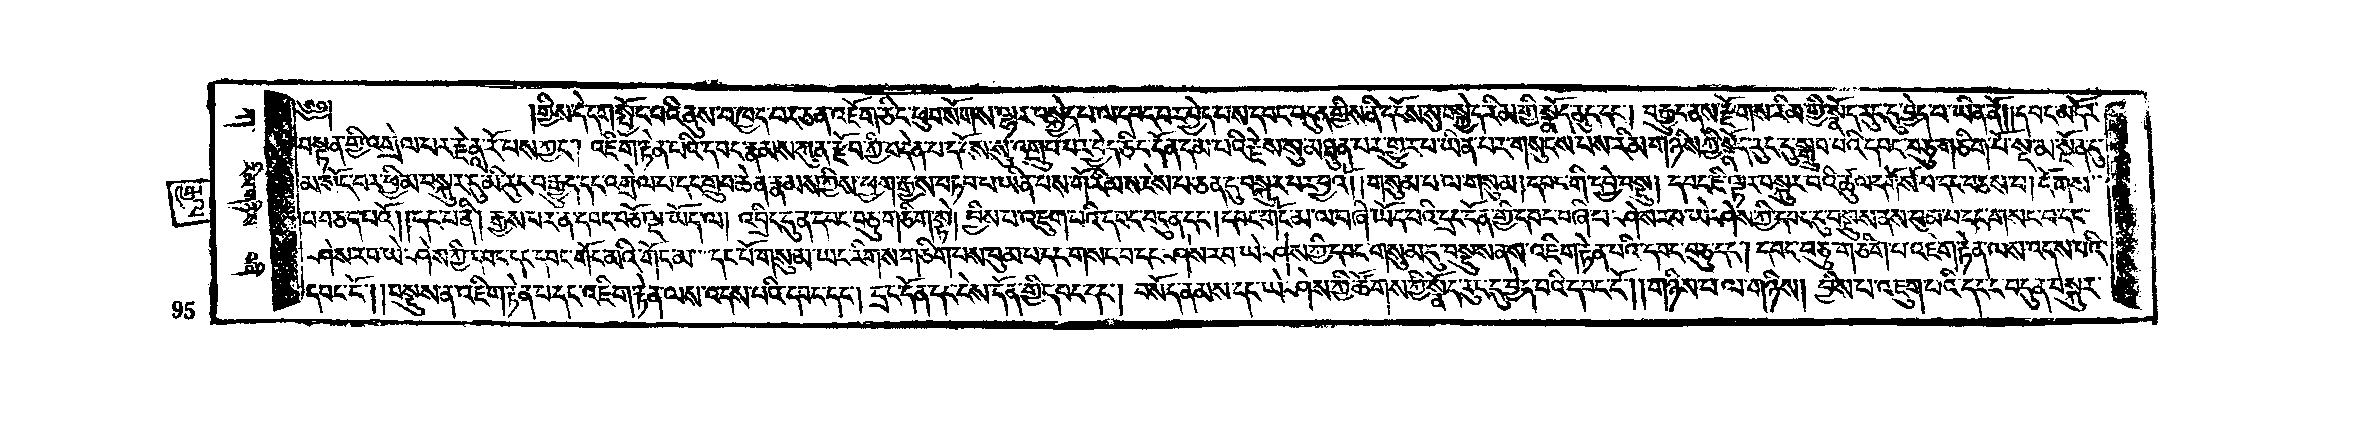༄༅། །གྱིས་དེ་དག་སྦྱོང་བའི་ནུས་པ་ཁྱད་པར་ཅན་འཇོག་ཅིང་ཕུབ་སོགས་ལྷར་བསྐྱེད་པ་ལ་དབང་བར་བྱེད་པས་དབང་བདུན་གྱིས་ནི་དངོས་སུ་བསྐྱེད་རིམ་གྱི་སྣོད་ནུད་དང་། བརྒྱུད་ནས་རྫོགས་རིམ་གྱི་སྣོད་རུང་དུ་བྱེད་པ་ཡིན་ནོ། །དབང་མདོར་
བསྟན་གྱི་འགྲེལ་པར་རྗེའན?་རོ་པས་ཀྱང་། འཇིག་རྟེན་པའི་དབང་རྣམས་ཀུན་རྫོབ་ཀྱི་བདེན་པ་དངོས་སུ་འགྲུབ་པར་བྱེད་ཅིང་དོན་དམ་པའི་རྗེས་སུ་མཐུན་པར་གྱུར་པ་ཡིན་པར་གསུངས་པས་རིམ་གཉིས་ཀྱི་སྣོད་རུང་དུ་སྒྲུབ་པའི་དབང་བཅུ་གཅིག་པོ་སྔ་མ་སྔོན་དུ་
མ་སོང་བར་ཕྱི་མ་བསྐུར་དུ་མི་རུང་བརྒྱུད་དང་འགྲེལ་པ་དང་གྲུབ་ཆེན་རྣམས་ཀྱིས་ཕྱག་རྒྱས་བཏབ་པ་ཡིན་པས་གོ་རིམས་ངེས་པ་ཅན་དུ་བསྐུར་པར་བྱའོ། །གསུམ་པ་ལ་གསུམ། དབང་གི་དབྱེ་བསྡུ། དབང་ཇི་ལྟར་བསྐུར་བའི་ཚུལ་དགོས་པ་དང་བཅས་པ། དོགས་
པ་བཅད་པའོ། །དང་པོ་ནི། རྒྱས་པར་ན་དབང་བཅོ་ལྔ་ཡོད་ལ། འབྲིང་དུ་ན་དབང་བཅུ་གཅིག་སྟེ། བྱིས་པ་འཇུག་པའི་དབང་བདུན་དང་། དབང་གོང་མ་ལ་བཞི་ཡོད་པའི་དྲང་དོན་གྱི་དབང་བཞི་པ་ཤེས་རབ་ཡེ་ཤེས་ཀྱི་དབང་དུ་བསྡུས་ནས་བུམ་པ་དང་གསང་བ་དང་
ཤེས་རབ་ཡེ་ཤེས་ཀྱི་དབང་དང་དབང་གོང་མའི་གོང་མ་དང་པོ་གསུམ་ཡང་རིགས་གཅིག་པས་བུམ་པ་དང་གསང་བ་དང་ཤེས་རབ་ཡེ་ཤེས་ཀྱི་དབང་གསུམ་དུ་བསྡུས་ནས་འཇིག་རྟེན་པའི་དབང་བཅུ་དང་། དབང་བཅུ་གཅིག་པ་འཇིག་རྟེན་ལས་འདས་པའི་
དབང་ངོ། །བསྡུས་ན་འཇིག་རྟེན་པ་དང་འཇིག་རྟེན་ལས་འདས་པའི་དབང་དང་། དྲང་དོན་དང་ངེས་དོན་གྱི་དབང་དང་། བསོད་ནམས་དང་ཡེ་ཤེས་ཀྱི་ཚོགས་ཀྱི་སྣོད་རུང་དུ་བྱེད་པའི་དབང་ངོ། །གཉིས་པ་ལ་གཉིས། བྱིས་པ་འཇིག་པའི་དང་ང་བདུན་བསྐུར་